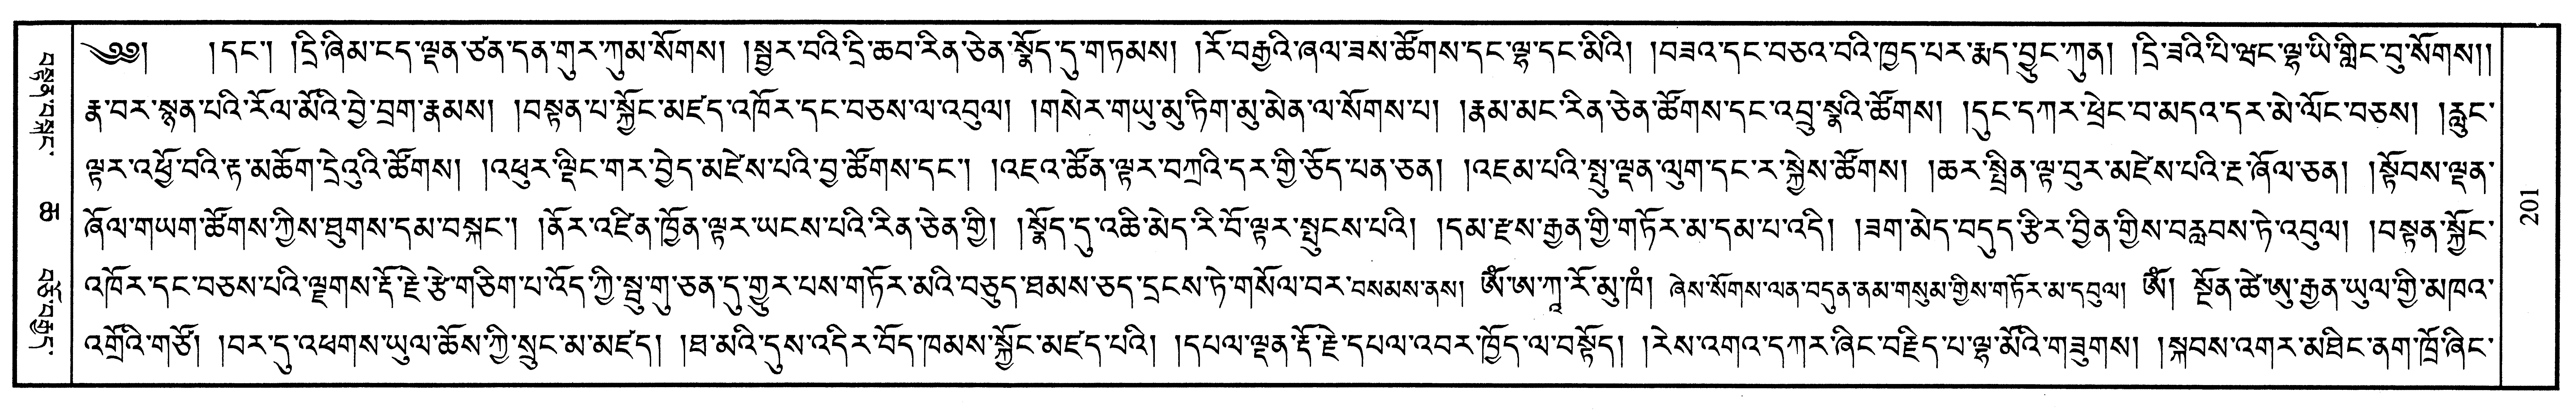༄༅། །དང་། །དྲི་ཞིམ་ངད་ལྡན་ཙན་དན་གུར་ཀུམ་སོགས། །སྦྱར་བའི་དྲི་ཆབ་རིན་ཅེན་སྣོད་དུ་གཏམས། །རོ་བརྒྱའི་ཞལ་ཟས་ཚོགས་དང་ལྷ་དང་མིའི། །བཟའ་དང་བཅའ་བའི་ཁྱད་པར་རྨད་བྱུང་ཀུན། །དྲི་ཟའི་པི་ཝང་ལྷ་ཡི་གླིང་བུ་སོགས།།
རྣ་བར་སྙན་པའི་རོལ་མོའི་བྱེ་བྲག་རྣམས། །བསྟན་པ་སྐྱོང་མཛད་འཁོར་དང་བཅས་ལ་འབུལ། །གསེར་གཡུ་མུ་ཏིག་མུ་མེན་ལ་སོགས་པ། །རྣམ་མང་རིན་ཅེན་ཚོགས་དང་འབྲུ་སྣའི་ཚོགས། །དུང་དཀར་ཕྲེང་བ་མདའ་དར་མེ་ལོང་བཅས། །རླུང་
ལྟར་འཕྱོ་བའི་རྟ་མཆོག་དྲེའུའི་ཚོགས། །འཕུར་ལྡིང་གར་བྱེད་མཛེས་པའི་བྱ་ཚོགས་དང་། །འཇའ་ཚོན་ལྟར་བཀྲའི་དར་གྱི་ཅོད་པན་ཅན། །འཇམ་པའི་སྤུ་ལྡན་ལུག་དང་ར་སྐྱེས་ཚོགས། །ཆར་སྤྲིན་ལྟ་བུར་མཛེས་པའི་རྔ་ཞོལ་ཅན། །སྟོབས་ལྡན་
ཞོལ་གཡག་ཚོགས་ཀྱིས་ཐུགས་དམ་བསྐང་། །ནོར་འཛིན་ཁྱོན་ལྟར་ཡངས་པའི་རིན་ཅེན་གྱི། །སྣོད་དུ་འཆི་མེད་རི་བོ་ལྟར་སྤུངས་པའི། །དམ་རྫས་རྒྱན་གྱི་གཏོར་མ་དམ་པ་འདི། །ཟག་མེད་བདུད་རྩིར་བྱིན་གྱིས་བརླབས་ཏེ་འབུལ། །བསྟན་སྐྱོང་
འཁོར་དང་བཅས་པའི་ལྗགས་རྡོ་རྗེ་རྩེ་གཅིག་པ་འོད་ཀྱི་སྦུ་གུ་ཅན་དུ་གྱུར་པས་གཏོར་མའི་བཅུད་ཐམས་ཅད་དྲངས་ཏེ་གསོལ་བར་བསམས་ནས། ཨོཾ་ཨ་ཀཱ་རོ་མུ་ཁཾ། ཞེས་སོགས་ལན་བདུན་ནམ་གསུམ་གྱིས་གཏོར་མ་དབུལ། ཨོཾ། སྔོན་ཚེ་ཨུ་རྒྱན་ཡུལ་གྱི་མཁའ་
འགྲོའི་གཙོ། །བར་དུ་འཕགས་ཡུལ་ཆོས་ཀྱི་སྲུང་མ་མཛད། །ཐ་མའི་དུས་འདིར་བོད་ཁམས་སྐྱོང་མཛད་པའི། །དཔལ་ལྡན་རྡོ་རྗེ་དཔལ་འབར་ཁྱོད་ལ་བསྟོད། །རེས་འགའ་དཀར་ཞིང་བརྗིད་པ་ལྷ་མོའི་གཟུགས། །སྐབས་འགར་མཐིང་ནག་ཁྲོ་ཞིང་